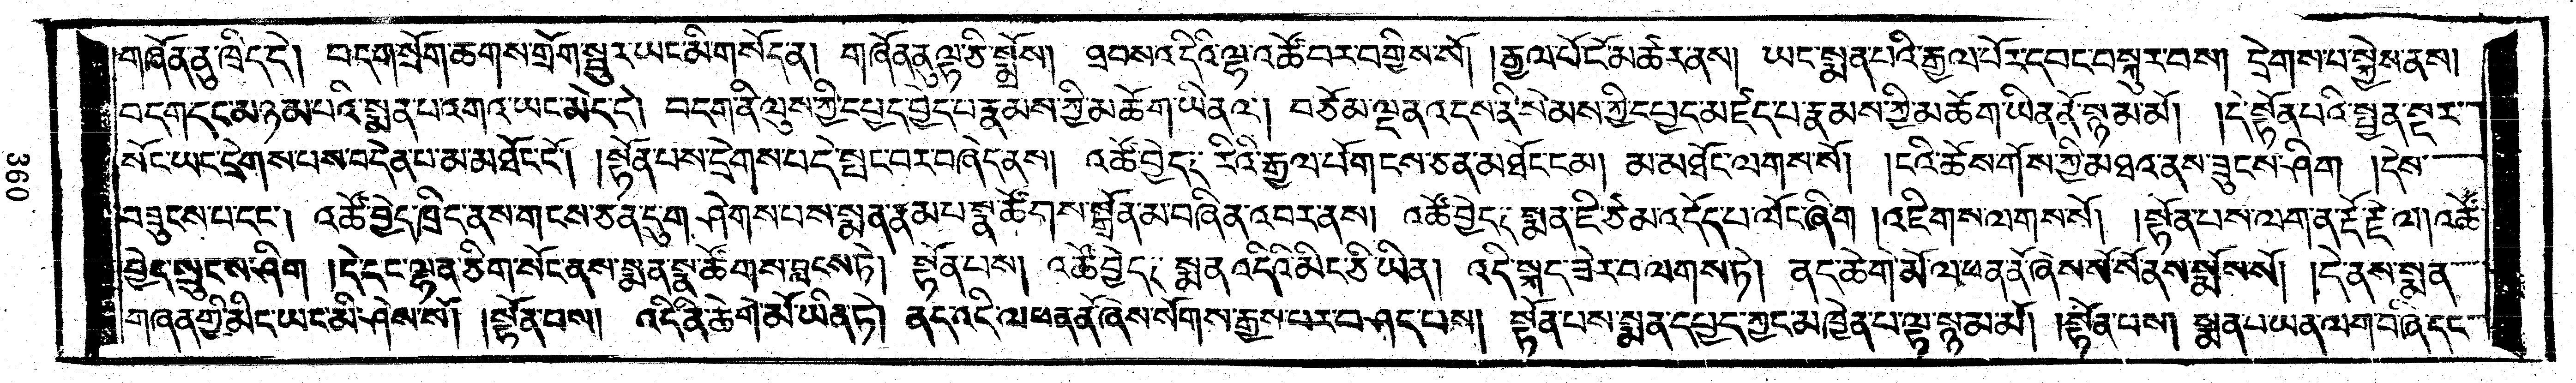གཞོན་ནུ་ཁྲིད་དེ། བདག་སྲོག་ཆག་སྒྲོག་སྦུར་ཡང་མི་གསོད་ན། གཞོན་ནུ་ལྟ་ཅི་སྨྲོས། ཐབས་འདིའི་ལྷ་འཚོ་བར་བགྱིས་སོ། །རྒྱལ་པོ་ངོ་མཚར་ནས། ཡང་སྨན་བའི་རྒྱལ་པོར་དབང་བསྐུར་བས། དྲེགས་པ་སྐྱེས་ནས།
བདག་དང་མཉམ་པའི་སྨན་པ་འགའ་ཡང་མེད་དེ། བདག་ནི་ལུས་ཀྱི་དཔྱད་བྱེད་པ་རྣམས་ཀྱི་མཆོག་ཡིན་ལ། བཅོམ་ལྡན་འདས་ནི་སེམས་ཀྱི་དཔྱད་མཛད་པ་རྣམས་ཀྱི་མཆོག་ཡིན་ནོ་སྙམ་མོ། །དེ་སྟོན་པའི་སྤྱན་སྔར་
སོང་ཡང་དྲེགས་པས་བདེན་པ་མ་མཐོང་ངོ། །སྟོན་པས་དྲེགས་པ་དེ་སྦང་བར་བཞེད་ནས། འཚོ་བྱེད༑ རིའི་རྒྱལ་པོ་གངས་ཅན་མཐོང་ངམ། མ་མཐོང་ལགས་སོ། །ངའི་ཆོས་གོས་ཀྱི་མཐའ་ནས་ཟུངས་ཤིག །དེས་
བཟུངས་པ་དང་། འཚོ་བྱེད་ཁྲིད་ནས་གངས་ཅན་དུ་གཤེགས་པས་སྨན་རྣམ་པ་སྣ་ཚོགས་སྒྲོན་མ་བཞིན་འབར་ནས། འཚོ་བྱེད༑ སྨན་ཇི་ཙམ་འདོད་པ་ལོང་ཞིག །འཇིགས་ལགས་སོ། །སྟོན་པས་ལག་ན་རྡོ་རྗེ་ལ། འཚོ་
བྱེད་སྲུངས་ཤིག །དེ་དང་ལྷན་ཅིག་སོང་ནས་སྨན་སྣ་ཚོགས་བླངས་ཏེ། སྟོན་པས། འཚོ་བྱེད༑ སྨན་འདིའི་མིང་ཅི་ཡིན། འདི་སྐད་ཟེར་བ་ལགས་ཏེ། ནད་ཆེ་གེ་མོ་ལ་ཕན་ནོ་ཞེས་སོ་སོ་ནས་སྨོས་སོ། །དེ་ནས་སྨན་
གཞན་གྱི་མིང་ཡང་མི་ཤེས་སོ། །སྟོན་པས། འདི་ནི་ཆེ་གེ་མོ་ཡིན་ཏེ། ནད་འདི་ལ་ཕན་ནོ་ཞེས་སོགས་རྒྱས་པར་བཤད་པས། སྟོན་པས་སྨན་དཔྱད་ཀྱང་མཁྱེན་པ་ལྟ་སྙམ་མོ། །སྟོན་པས། སྨན་པ་ཡན་ལག་བཞི་དང་